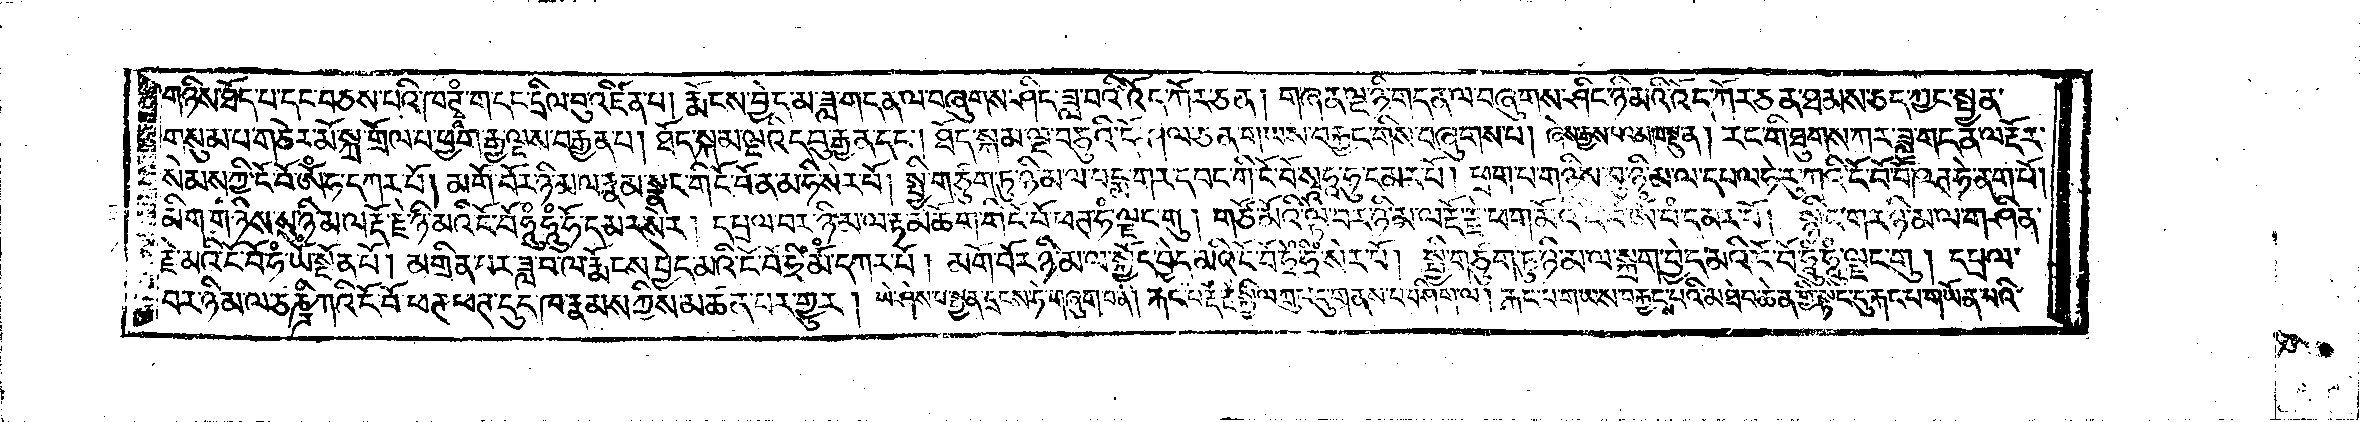གཉིས་ཐོད་པ་དང་བཅས་པའི་ཁཊྭཱཾ་ག་དང་དྲིལ་བུ་འཛིན་པ། རྨོངས་བྱེད་མ་ཟླ་གདན་ལ་བཞུགས་ཤིང་ཟླ་བའི་འོད་ཀོར་ཅན། གཞན་ལྔ་ཉི་གདན་ལ་བཞུགས་ཤིང་ཉི་མའི་འོད་ཀོར་ཅན་ཐམས་ཅད་ཀྱང་སྤྱན་
གསུམ་པ་གཅེར་མོ་སྐྲ་གྲོལ་བ་ཕྱག་རྒྱ་ལྔས་བརྒྱན་པ། ཐོད་སྐམ་ལྔའི་དབུ་རྒྱན་དང་། ཐོད་སྐམ་ལྔ་བཅུའི་དོ་ཤལ་ཅན་གཡས་བརྐྱང་གིས་བཞུགས་པ། ཞེས་རྒྱས་པའམ་བསྡུ་ན།  རང་གི་ཐུགས་ཀར་ཟླ་གདན་ལ་རྡོར་
སེམས་ཀྱི་ངོ་བོ་ཨོཾ་ཧ་དཀར་པོ། མགོ་བོར་ཉི་མ་ལ་རྣམ་སྣང་གི་ངོ་བོ་ན་མ་ཧི་སེར་པོ། སྤྱི་གཙུག་ཏུ་ཉི་མ་ལ་པདམ་གར་དབང་གི་ངོ་བོ་སྭཱཧཱ་ཧུ་དམར་པོ། ཕྲག་པ་གཉིས་སུ་ཉི་མ་ལ་དཔལ་ཧེ་རུ་ཀའི་ངོ་བོ་པཽ་ཥཊ་ཧེ་ནག་པོ།
མིག་གཉིས་སུ་ཉི་མ་ལ་རྡོ་རྗེ་ཉི་མའི་ངོ་བོ་ཧཱུཾ་ཧཱུཾ་ཧོ་དམར་སེར། དཔྲལ་བར་ཉི་མ་ལ་རྟ་མཆོག་གི་ངོ་བོ་ཕཊ་ཧཾ་ལྗང་གུ། གཙོ་མོའི་ལྟ་བར་ཉི་མ་ལ་རྡོ་རྗེ་ཕག་མོའི་ངོ་བོ་ཨོཾ་བཾ་དམར་པོ། སྙིང་གར་ཉི་མ་ལ་གཤིན་
རྗེ་མའི་ངོ་བོ་ཧཾ་ཡོཾ་སྔོན་པོ། མགྲིན་པར་ཟླ་བ་ལ་རྨོངས་བྱེད་མའི་ངོ་བོ་ཧྲིཾ་མོཾ་དཀར་པོ། མགོ་བོར་ཉི་མ་ལ་སྐྱོད་བྱེད་མའི་ངོ་བོ་ཧྲེཾ་ཧྲིཾ་སེར་པོ། སྤྱི་གཙུག་ཏུ་ཉི་མ་ལ་སྐྲག་བྱེད་མའི་ངོ་བོ་ཧཱུཾ་ཧཱུཾ་ལྗང་གུ། དཔྲལ་
བར་ཉི་མ་ལ་ཅཎྜི་ཀའི་ངོ་བོ་ཕཊ་ཕཊ་དུང་ཁ་རྣམས་ཀྱིས་མཚན་པར་གྱུར། ཡེ་ཤེས་པ་སྤྱན་དྲངས་ཏེ་གཞུག་བ་ནི། རྐང་པ་རྡོ་རྗེ་སྐྱིལ་ཀྲུང་དུ་གནས་པ་བཤིག་ལ། རྐང་པ་གཡས་བརྐྱངས་པའི་མཐེབ་ཆེན་གྱི་སྟེང་དུ་རྐང་པ་གཡོན་པའི